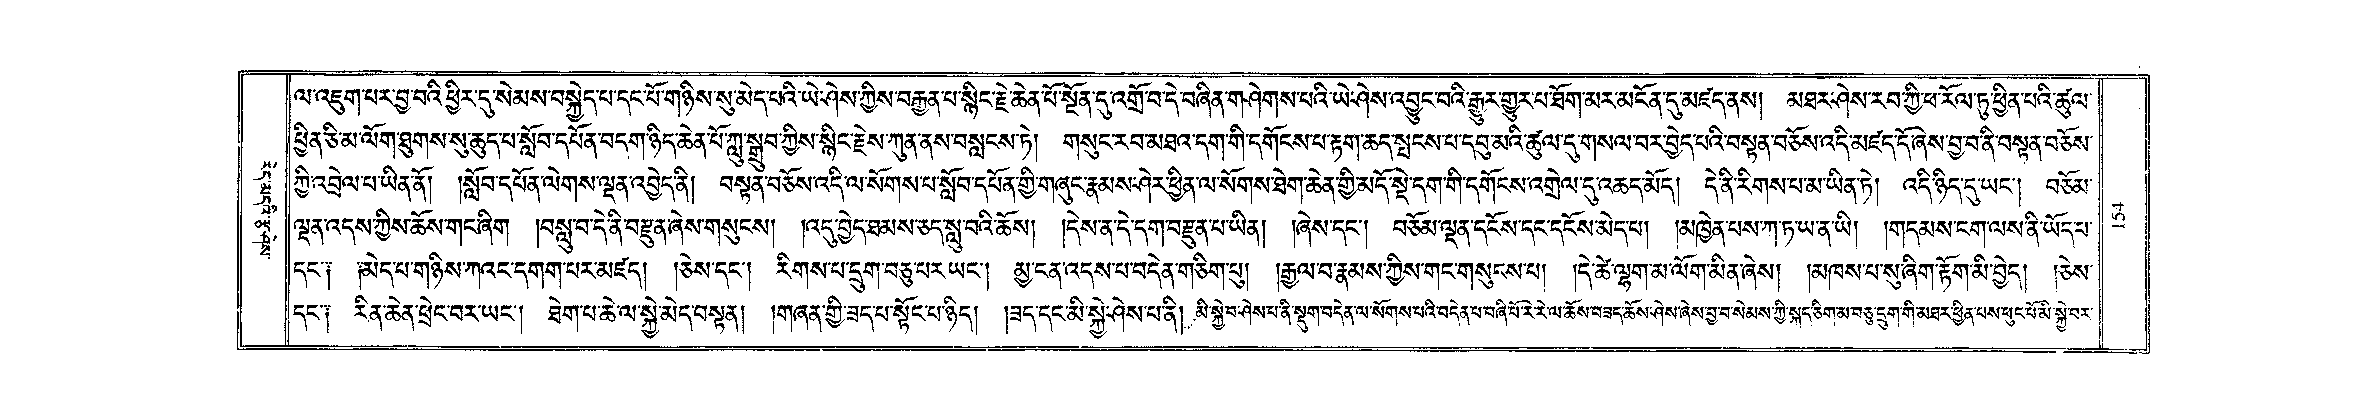ལ་འཇུག་པར་བྱ་བའི་ཕྱིར་དུ་སེམས་བསྐྱེད་པ་དང་པོ་གཉིས་སུ་མེད་པའི་ཡེ་ཤེས་ཀྱིས་བརྒྱན་པ་སྙིང་རྗེ་ཆེན་པོ་སྔོན་དུ་འགྲོ་བ་དེ་བཞིན་གཤེགས་པའི་ཡེ་ཤེས་འབྱུང་བའི་རྒྱུར་གྱུར་པ་ཐོག་མར་མངོན་དུ་མཛད་ནས། མཐར་ཤེས་རབ་ཀྱི་ཕ་རོལ་ཏུ་ཕྱིན་པའི་ཚུལ་
ཕྱིན་ཅི་མ་ལོག་ཐུགས་སུ་ཆུད་པ་སློབ་དཔོན་བདག་ཉིད་ཆེན་པོ་ཀླུ་སྒྲུབ་ཀྱིས་སྙིང་རྗེས་ཀུན་ནས་བསླངས་ཏེ། གསུང་རབ་མཐའ་དག་གི་དགོངས་པ་རྟག་ཆད་སྤངས་པ་དབུ་མའི་ཚུལ་དུ་གསལ་བར་བྱེད་པའི་བསྟན་བཅོས་འདི་མཛད་དོ་ཞེས་བྱ་བ་ནི་བསྟན་བཅོས་
ཀྱི་འབྲེལ་པ་ཡིན་ནོ། །སློབ་དཔོན་ལེགས་ལྡན་འབྱེད་ནི། བསྟན་བཅོས་འདི་ལ་སོགས་པ་སློབ་དཔོན་གྱི་གཞུང་རྣམས་ཤེར་ཕྱིན་ལ་སོགས་ཐེག་ཆེན་གྱི་མདོ་སྡེ་དག་གི་དགོངས་འགྲེལ་དུ་འཆད་མོད། དེ་ནི་རིགས་པ་མ་ཡིན་ཏེ། འདི་ཉིད་དུ་ཡང་། བཅོམ་
ལྡན་འདས་ཀྱིས་ཆོས་གང་ཞིག །བསླུ་བ་དེ་ནི་བརྫུན་ཞེས་གསུངས། །འདུ་བྱེད་ཐམས་ཅད་སླུ་བའི་ཆོས། །དེས་ན་དེ་དག་བརྫུན་པ་ཡིན། །ཞེས་དང་། བཅོམ་ལྡན་དངོས་དང་དངོས་མེད་པ། །མཁྱེན་པས་ཀ་ཏ་ཡ་ན་ཡི། །གདམས་ངག་ལས་ནི་ཡོད་པ་
དང༑ ༑མེད་པ་གཉིས་ཀའང་དགག་པར་མཛད། །ཅེས་དང་། རིགས་པ་དྲུག་བཅུ་པར་ཡང་། མྱ་ངན་འདས་པ་བདེན་གཅིག་པུ། །རྒྱལ་བ་རྣམས་ཀྱིས་གང་གསུངས་པ། །དེ་ཚེ་ལྷག་མ་ལོག་མིན་ཞེས། །མཁས་པ་སུ་ཞིག་རྟོག་མི་བྱེད། །ཅེས་
དང༑ རིན་ཆེན་ཕྲེང་བར་ཡང་། ཐེག་པ་ཆེ་ལ་སྐྱེ་མེད་བསྟན། །གཞན་གྱི་ཟད་པ་སྟོང་པ་ཉིད། །ཟད་དང་མི་སྐྱེ་ཤེས་པ་ནི། མི་སྐྱེ་བ་ཤེས་པ་ནི་སྡུག་བདེན་ལ་སོགས་པའི་བདེན་པ་བཞི་པོ་རེ་རེ་ལ་ཆོས་བཟད་ཆོས་ཤེས་ཞེས་བྱ་བ་སེམས་ཀྱི་སྐད་ཅིག་མ་བཅུ་དྲུག་གི་མཐར་ཕྱིན་པས་ཕུང་པོ་མི་སྐྱེ་བར་